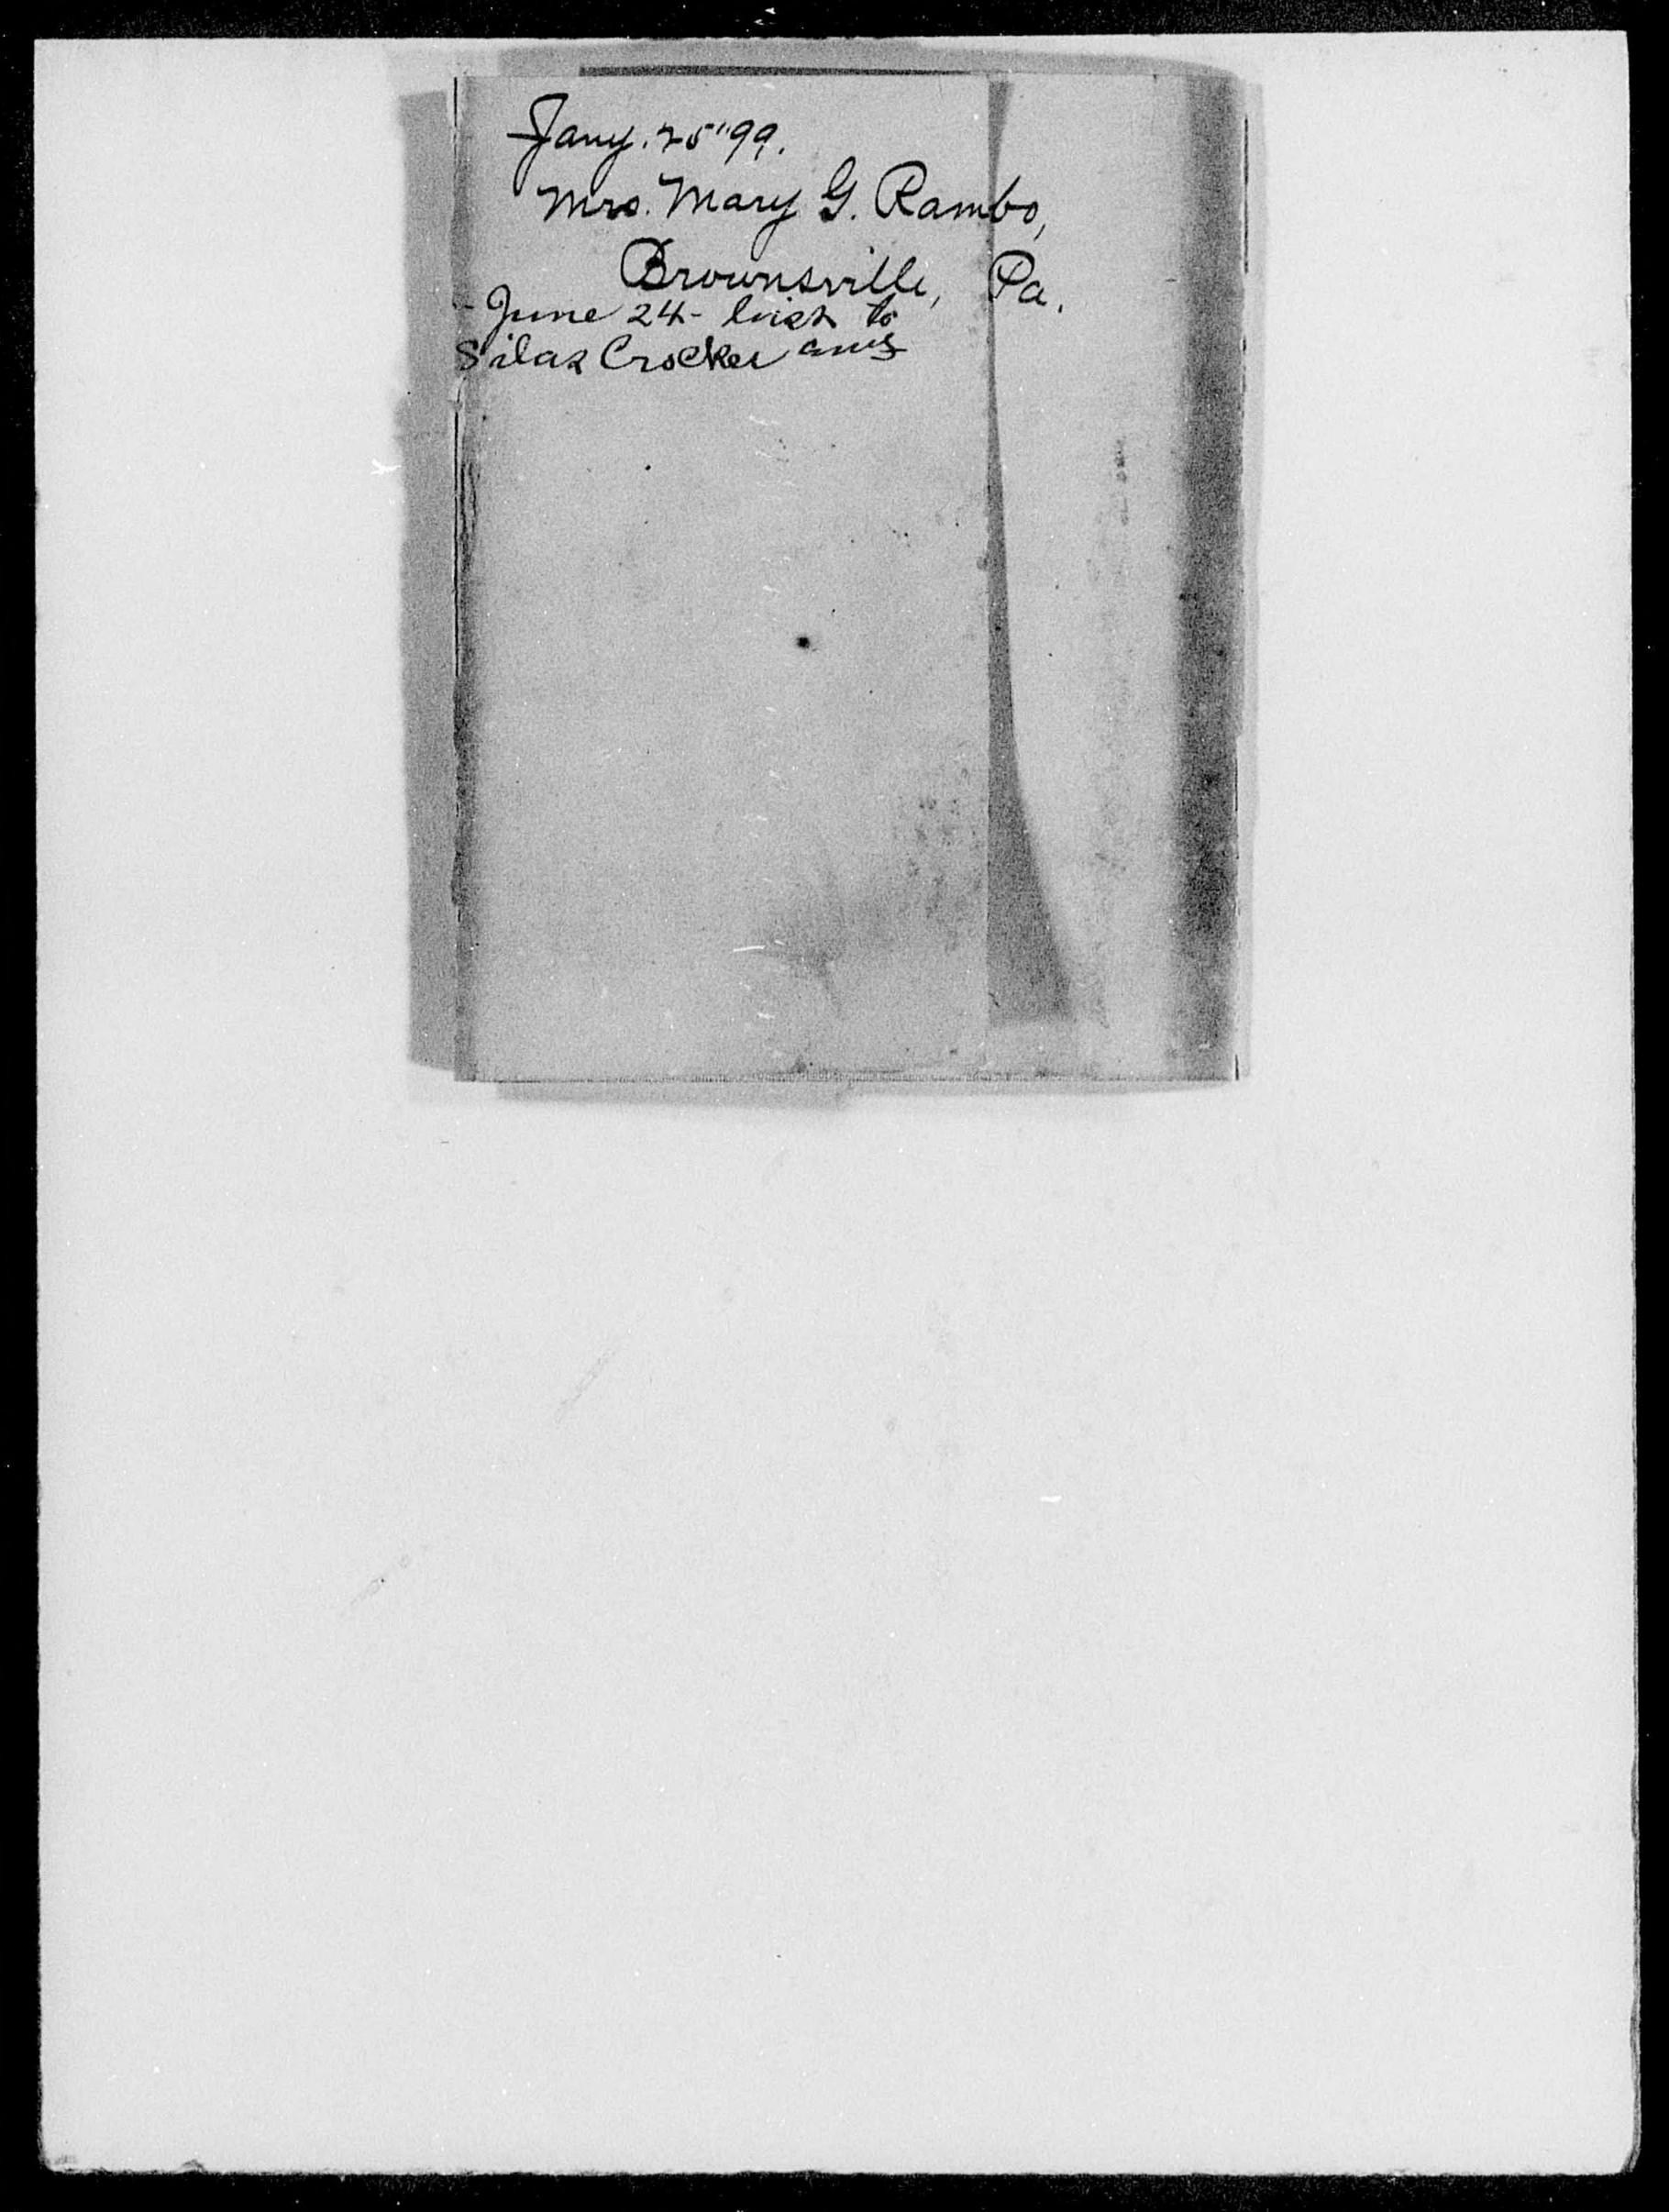Jany, 20 '99
Mrs. Mary G. Rambo
Brownsville, Pa.
-June 24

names: Silas Crocker, Mary G Rambo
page: 28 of 55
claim: widow's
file: W. 19503, Samuel Giles, Conti. Mass. New York